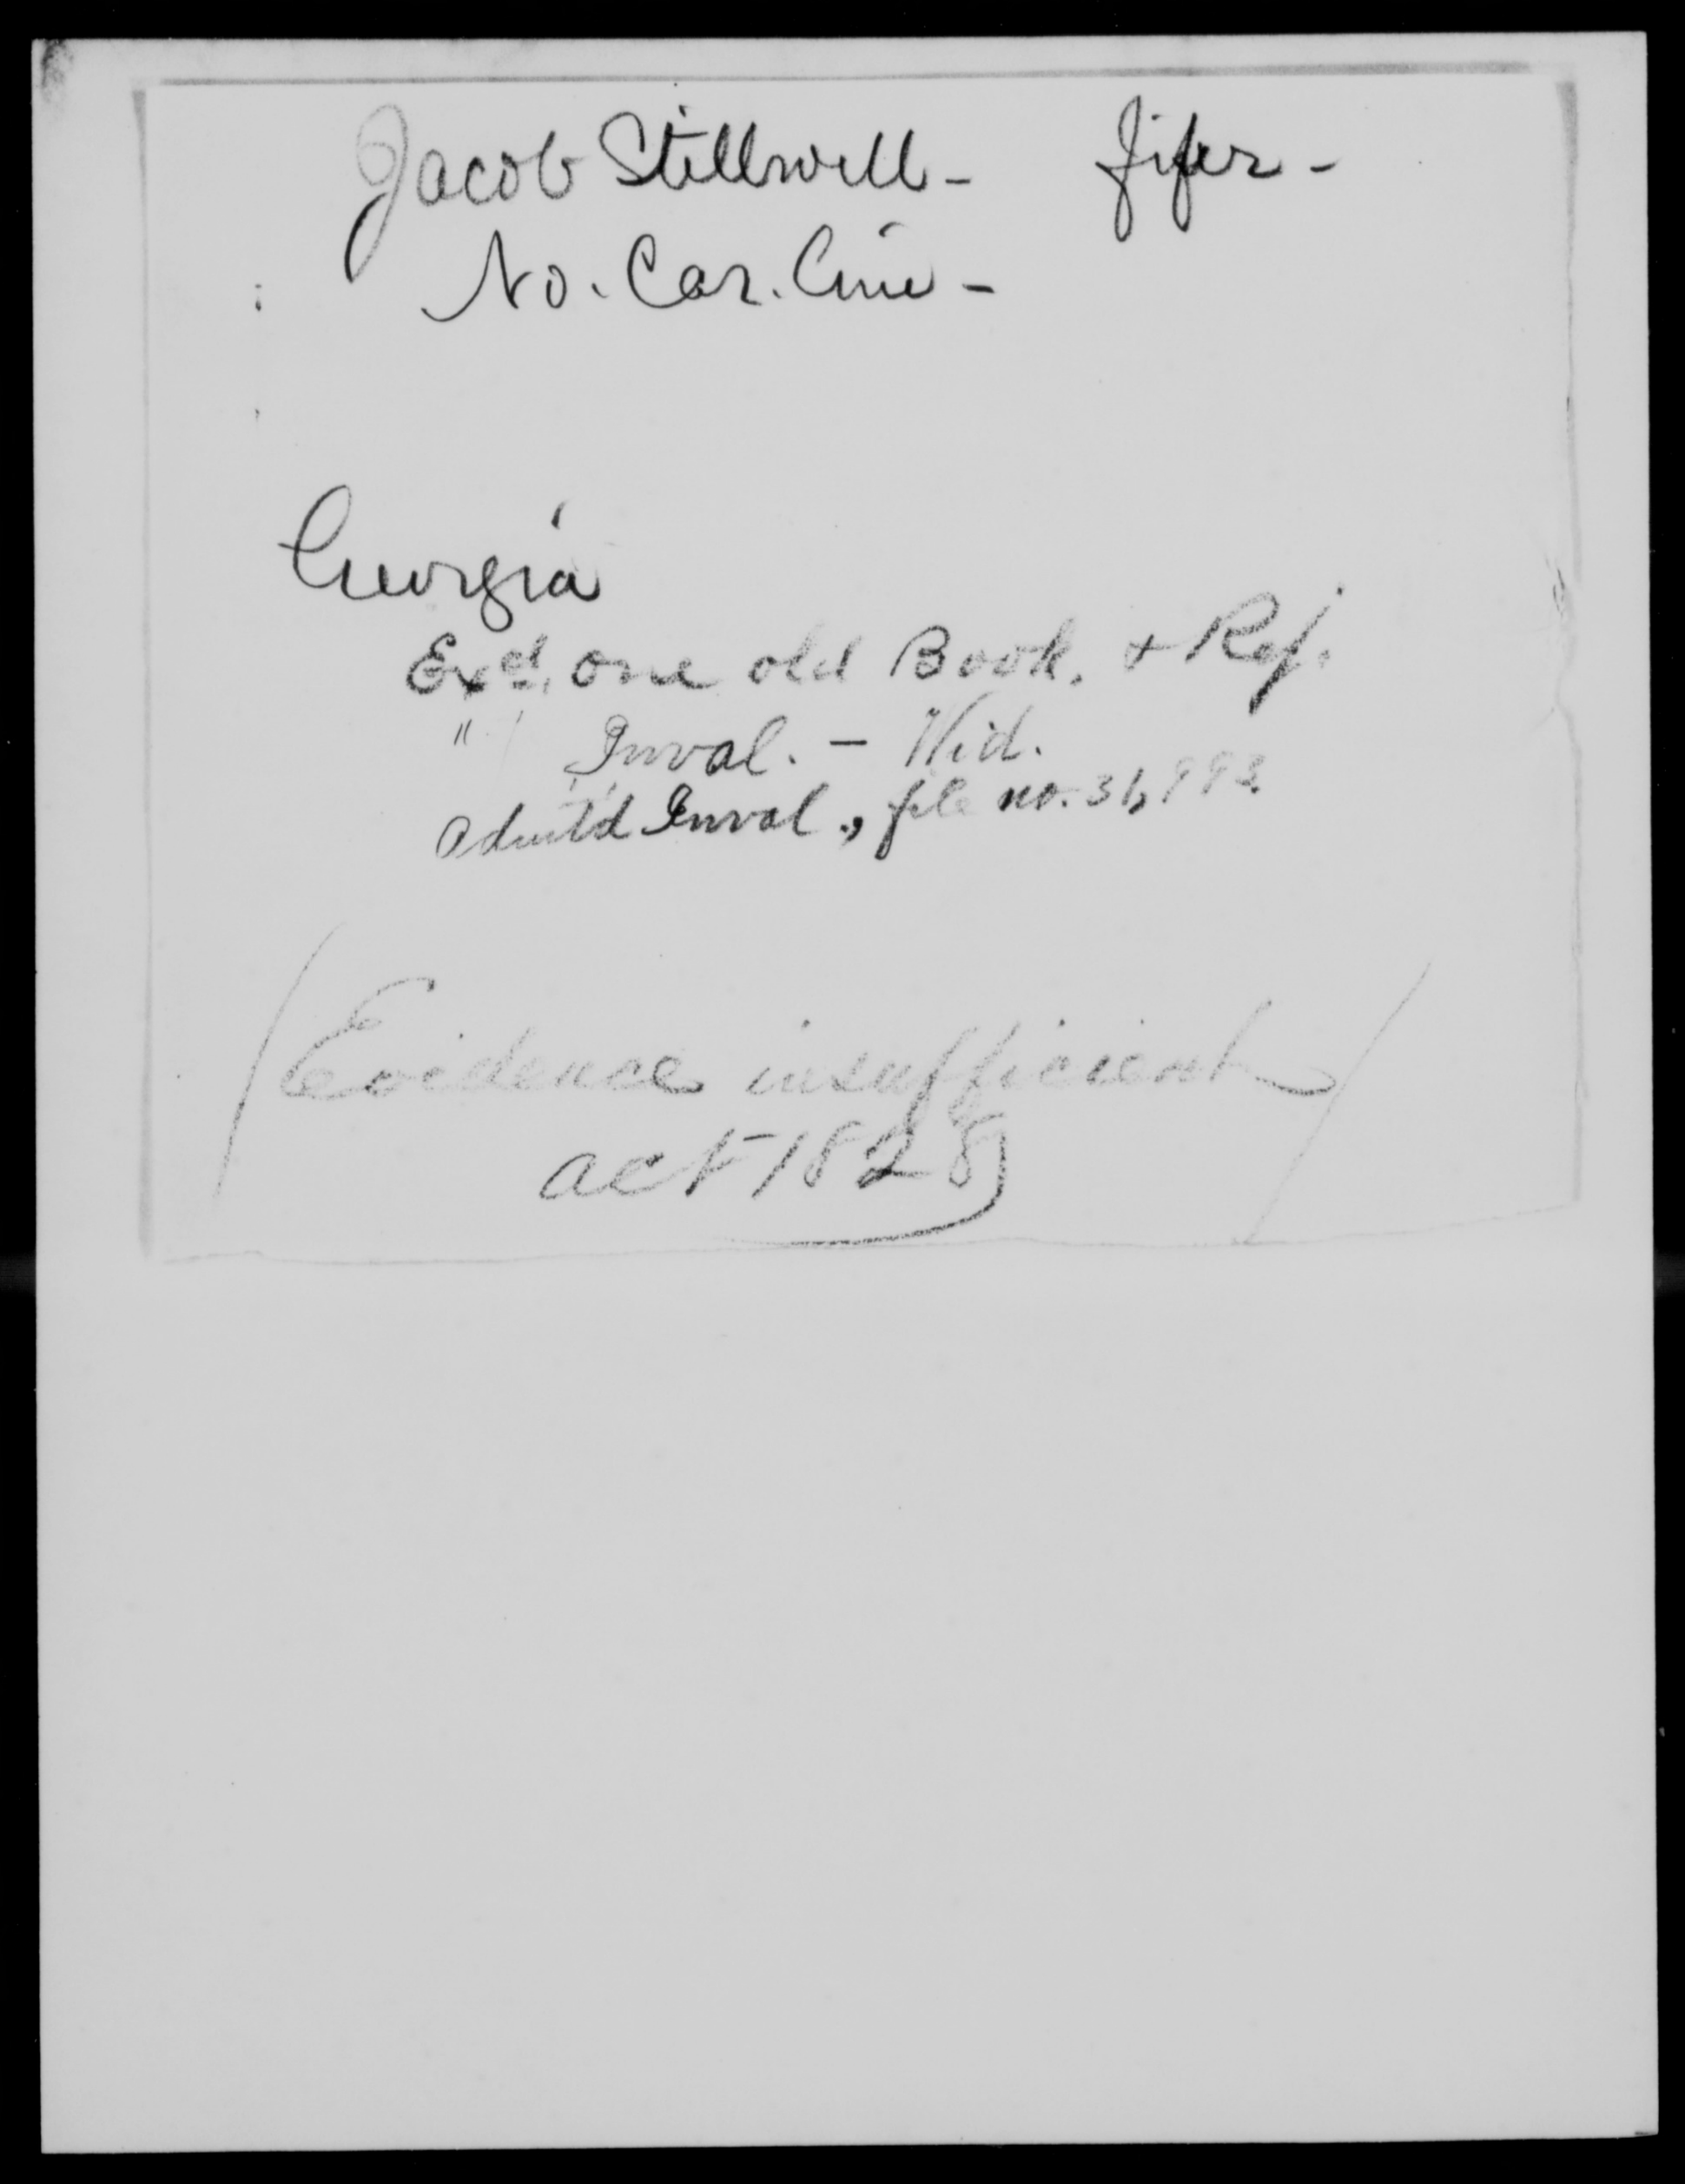Jacob Stillwell - fifer
No. Carolina

Georgia 
Ex'd one old Book & Ref
" Inval. - [illegible]
[illegible] Inval, file No. 31993
Evidence insufficient
act 1828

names: Jacob Stillwell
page: 15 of 25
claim: survivor's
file: S. 31,993, for Jacob Stillwell, North Carolina